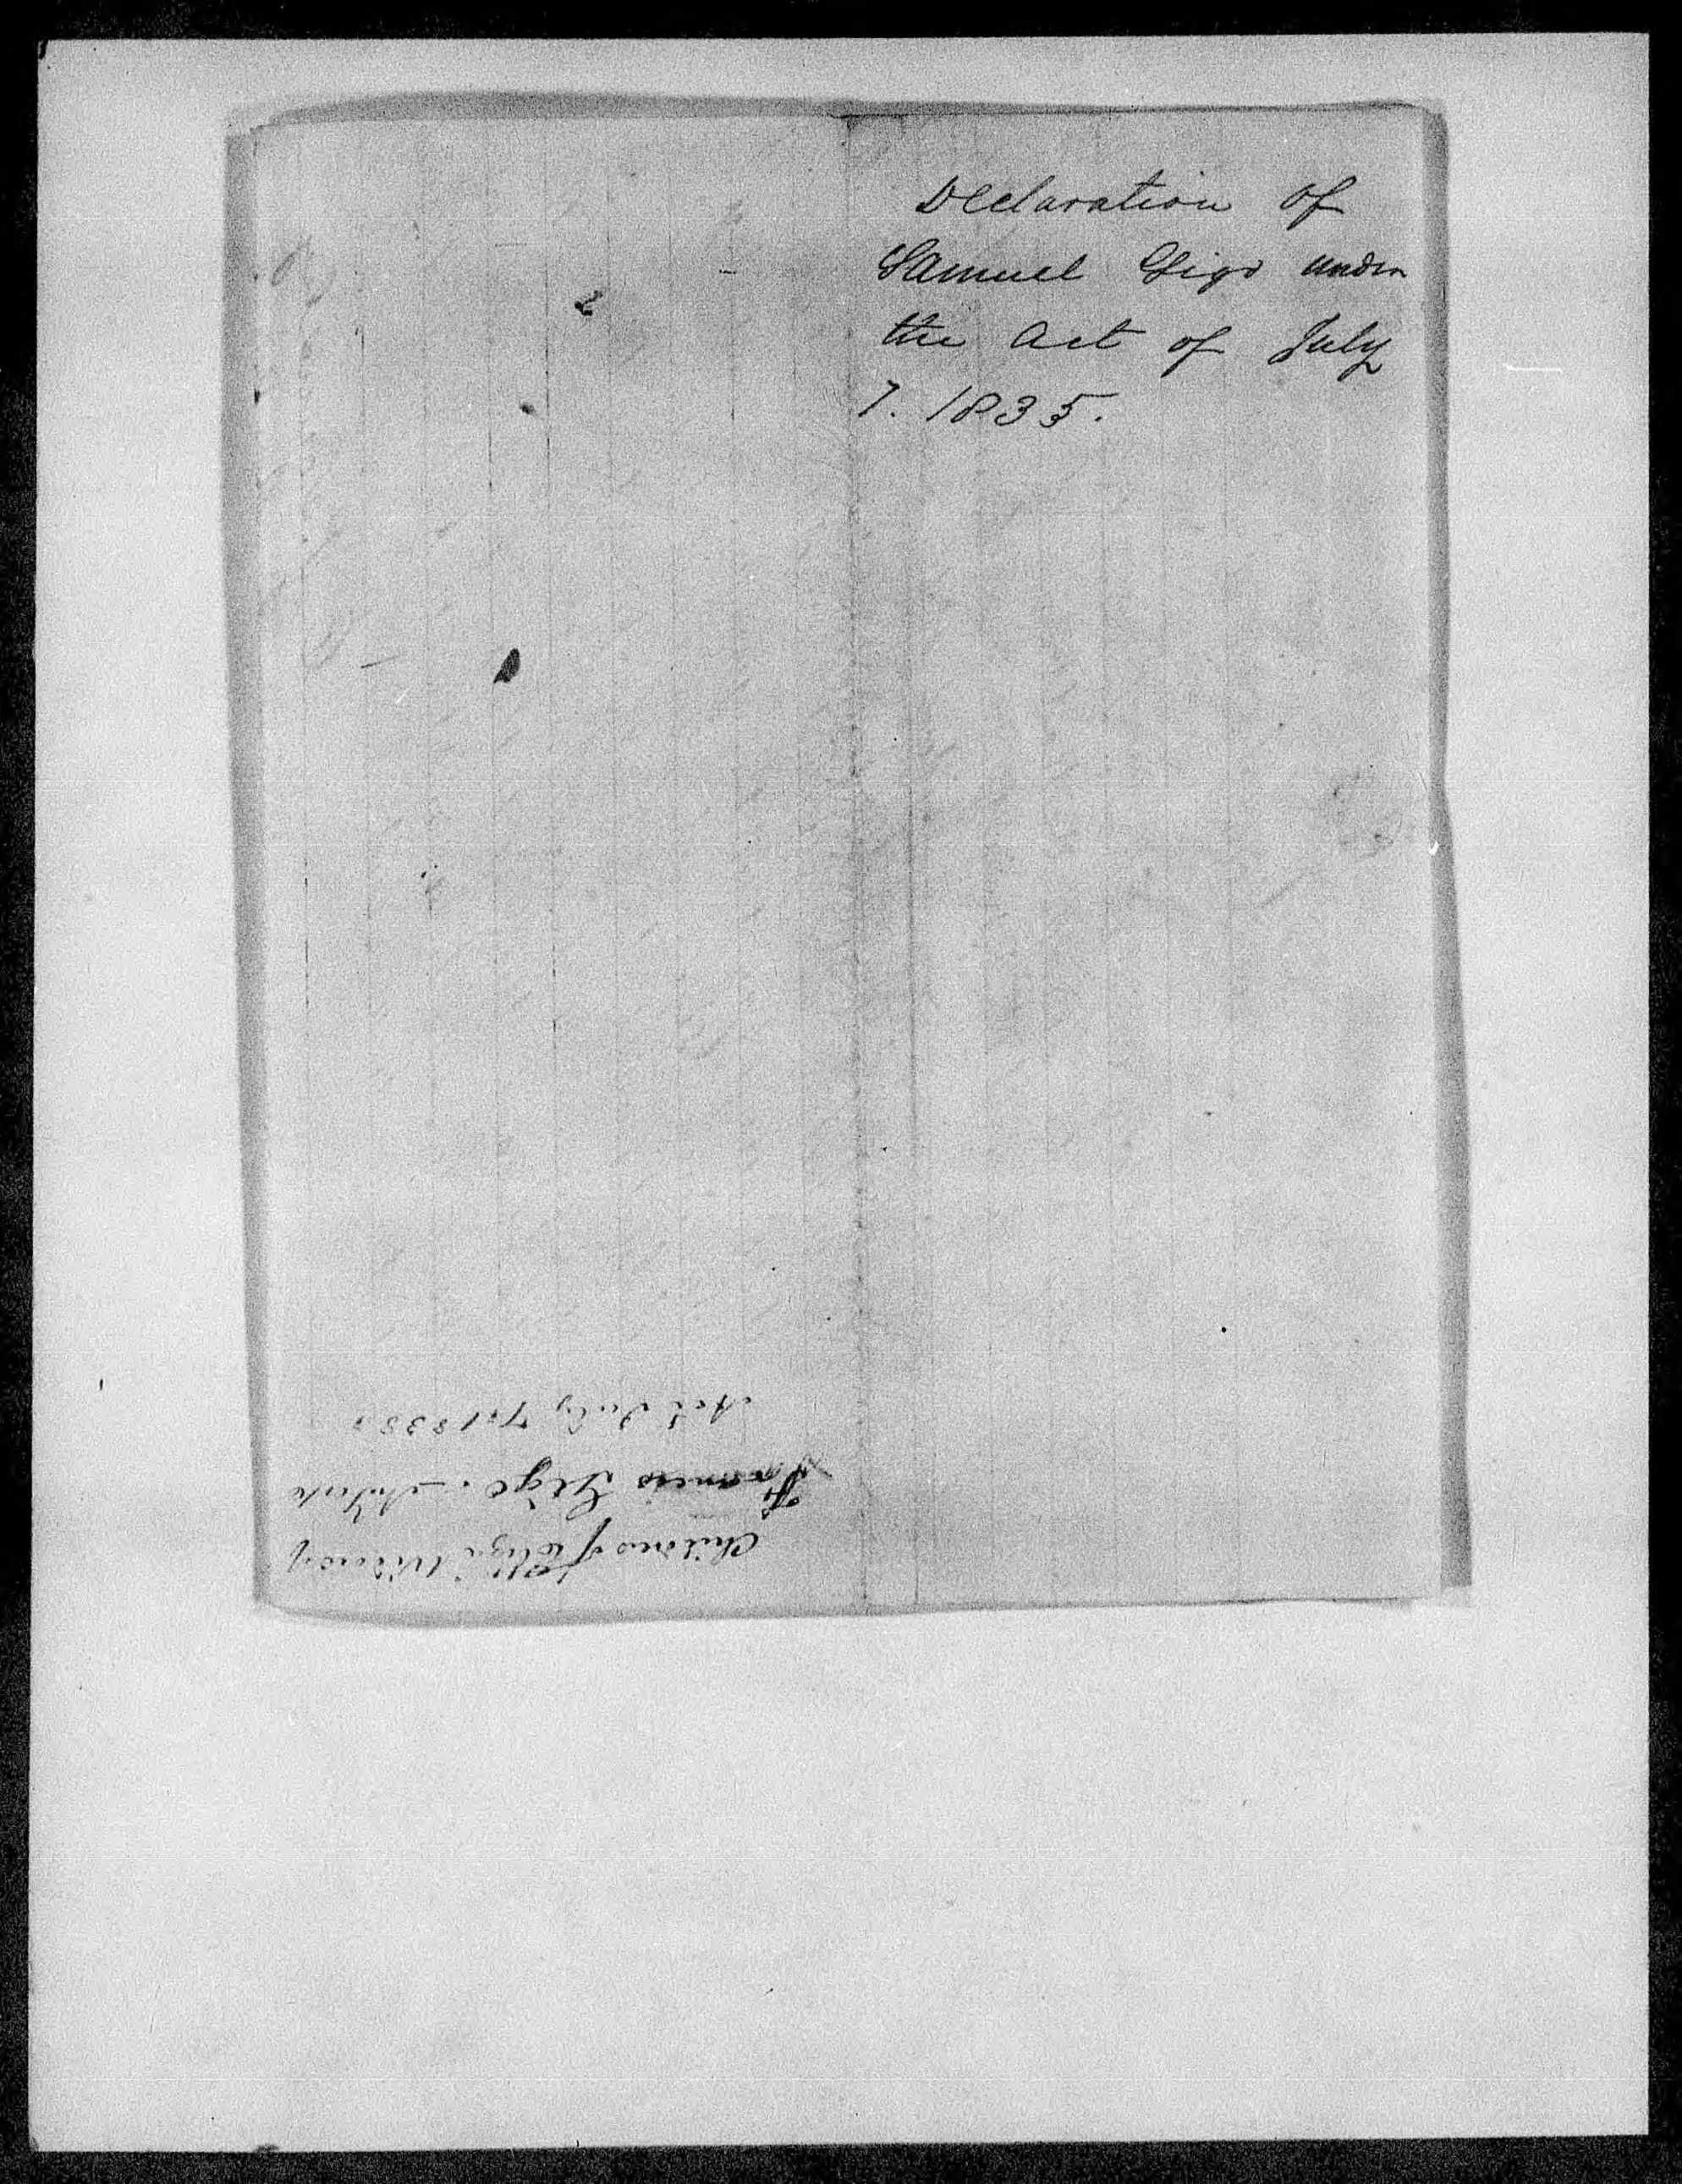Declaration of Samuel Gigo under the Act of July 7. 1835.

Children of Eliza ?
Francis Gigo - ??
Act July 7th 1835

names: Francis Gigo, Samuel Gigo, Eliza Gigo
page: 9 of 98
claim: widow's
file: W. 21182, Francis Gigo, Continental (Canadian)